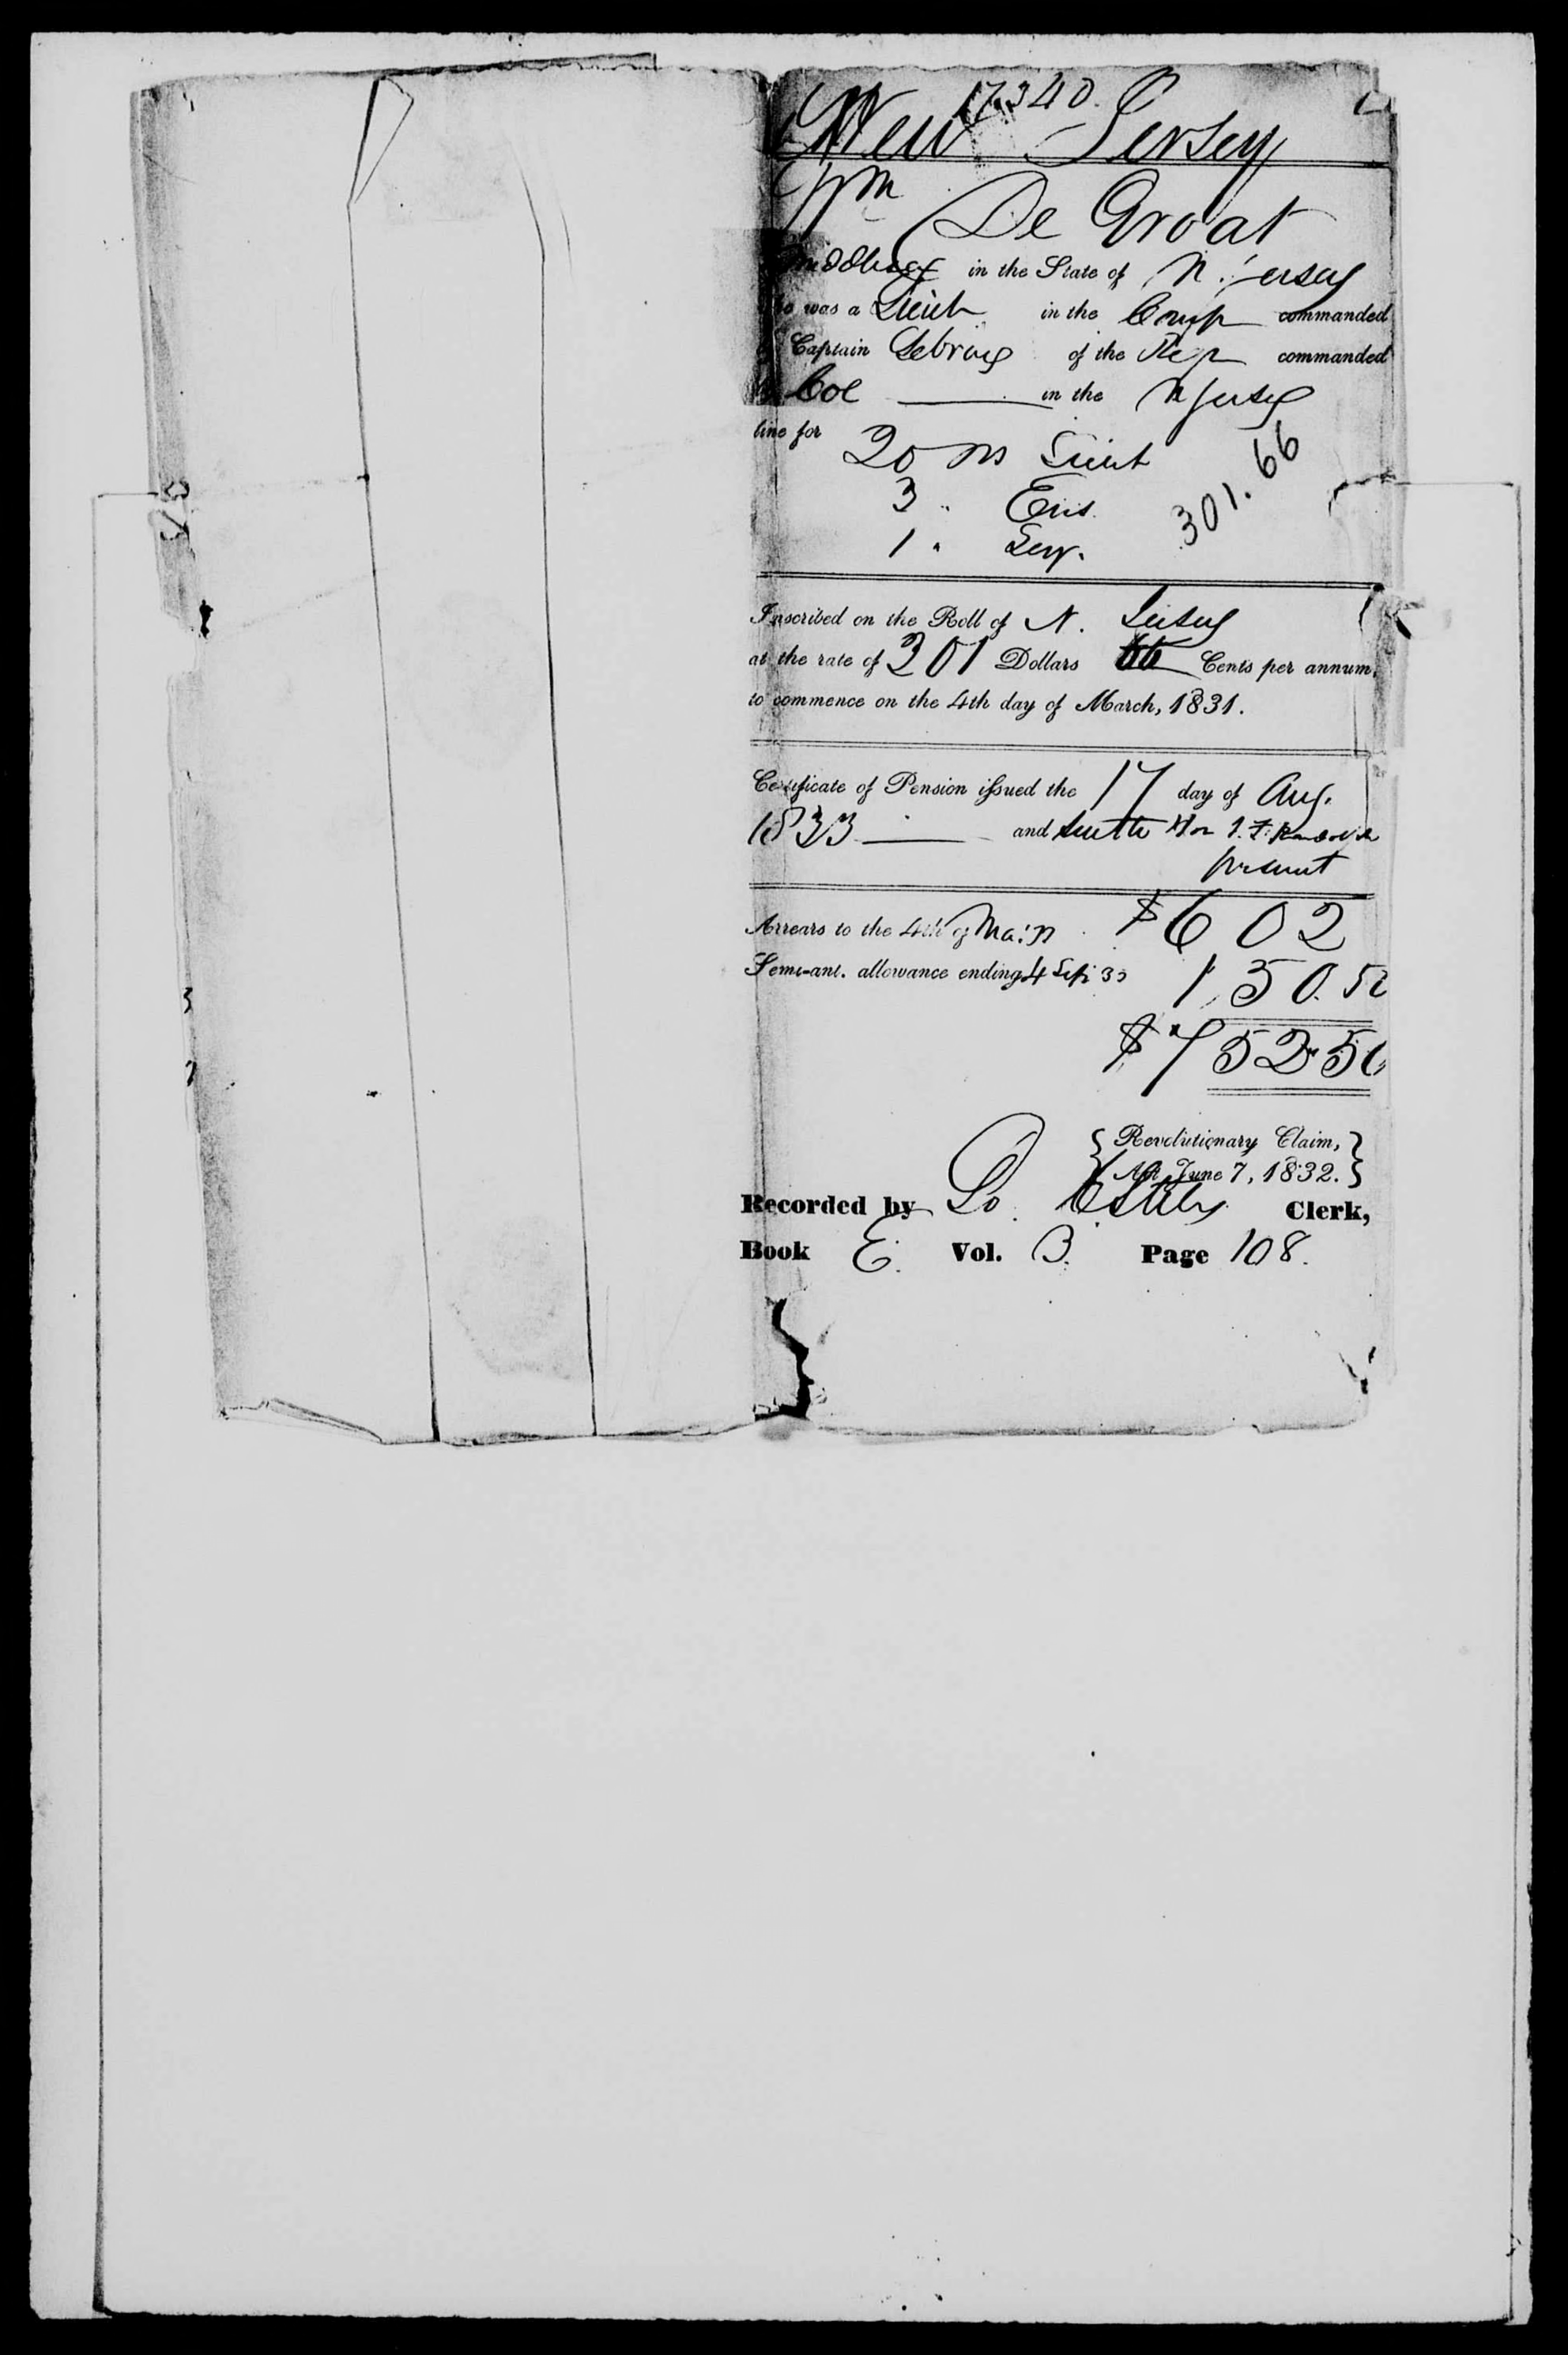17340
New Jersey
Wm De Groat
[illeg]lesex in the State of N. Jersey who was a Lieut in the Comp commanded Captain Sebring of the Reg commanded Col ______ in the N Jersey line for 20 m Lieut
3 ms Ens.
1 m Seg
________________________________
Inscribed on the Roll of N. Jersey at the rate of 301 Dollars 66 Cents per annum to commence on the 4th day of March, 1831.
_________________________________
Certificate of Pension issued the 17 day of Aug. 1833 and sent to Hon J. F. Randolpj present
_________________________________________________
Arrears to the 4th of Mar 77 $602
Semi-anl. allowance ending 4 Sep 35 $150.50
                             $752.50
{Revolutionary Claim, Act June 7, 1832}
Recorded by Go C Stiles Clerk, Book E Vol. B Page 108.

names: Go C Stiles, Wm De Groat, Sebring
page: 4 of 77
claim: widow's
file: W. 417, William De Groot, New Jersey